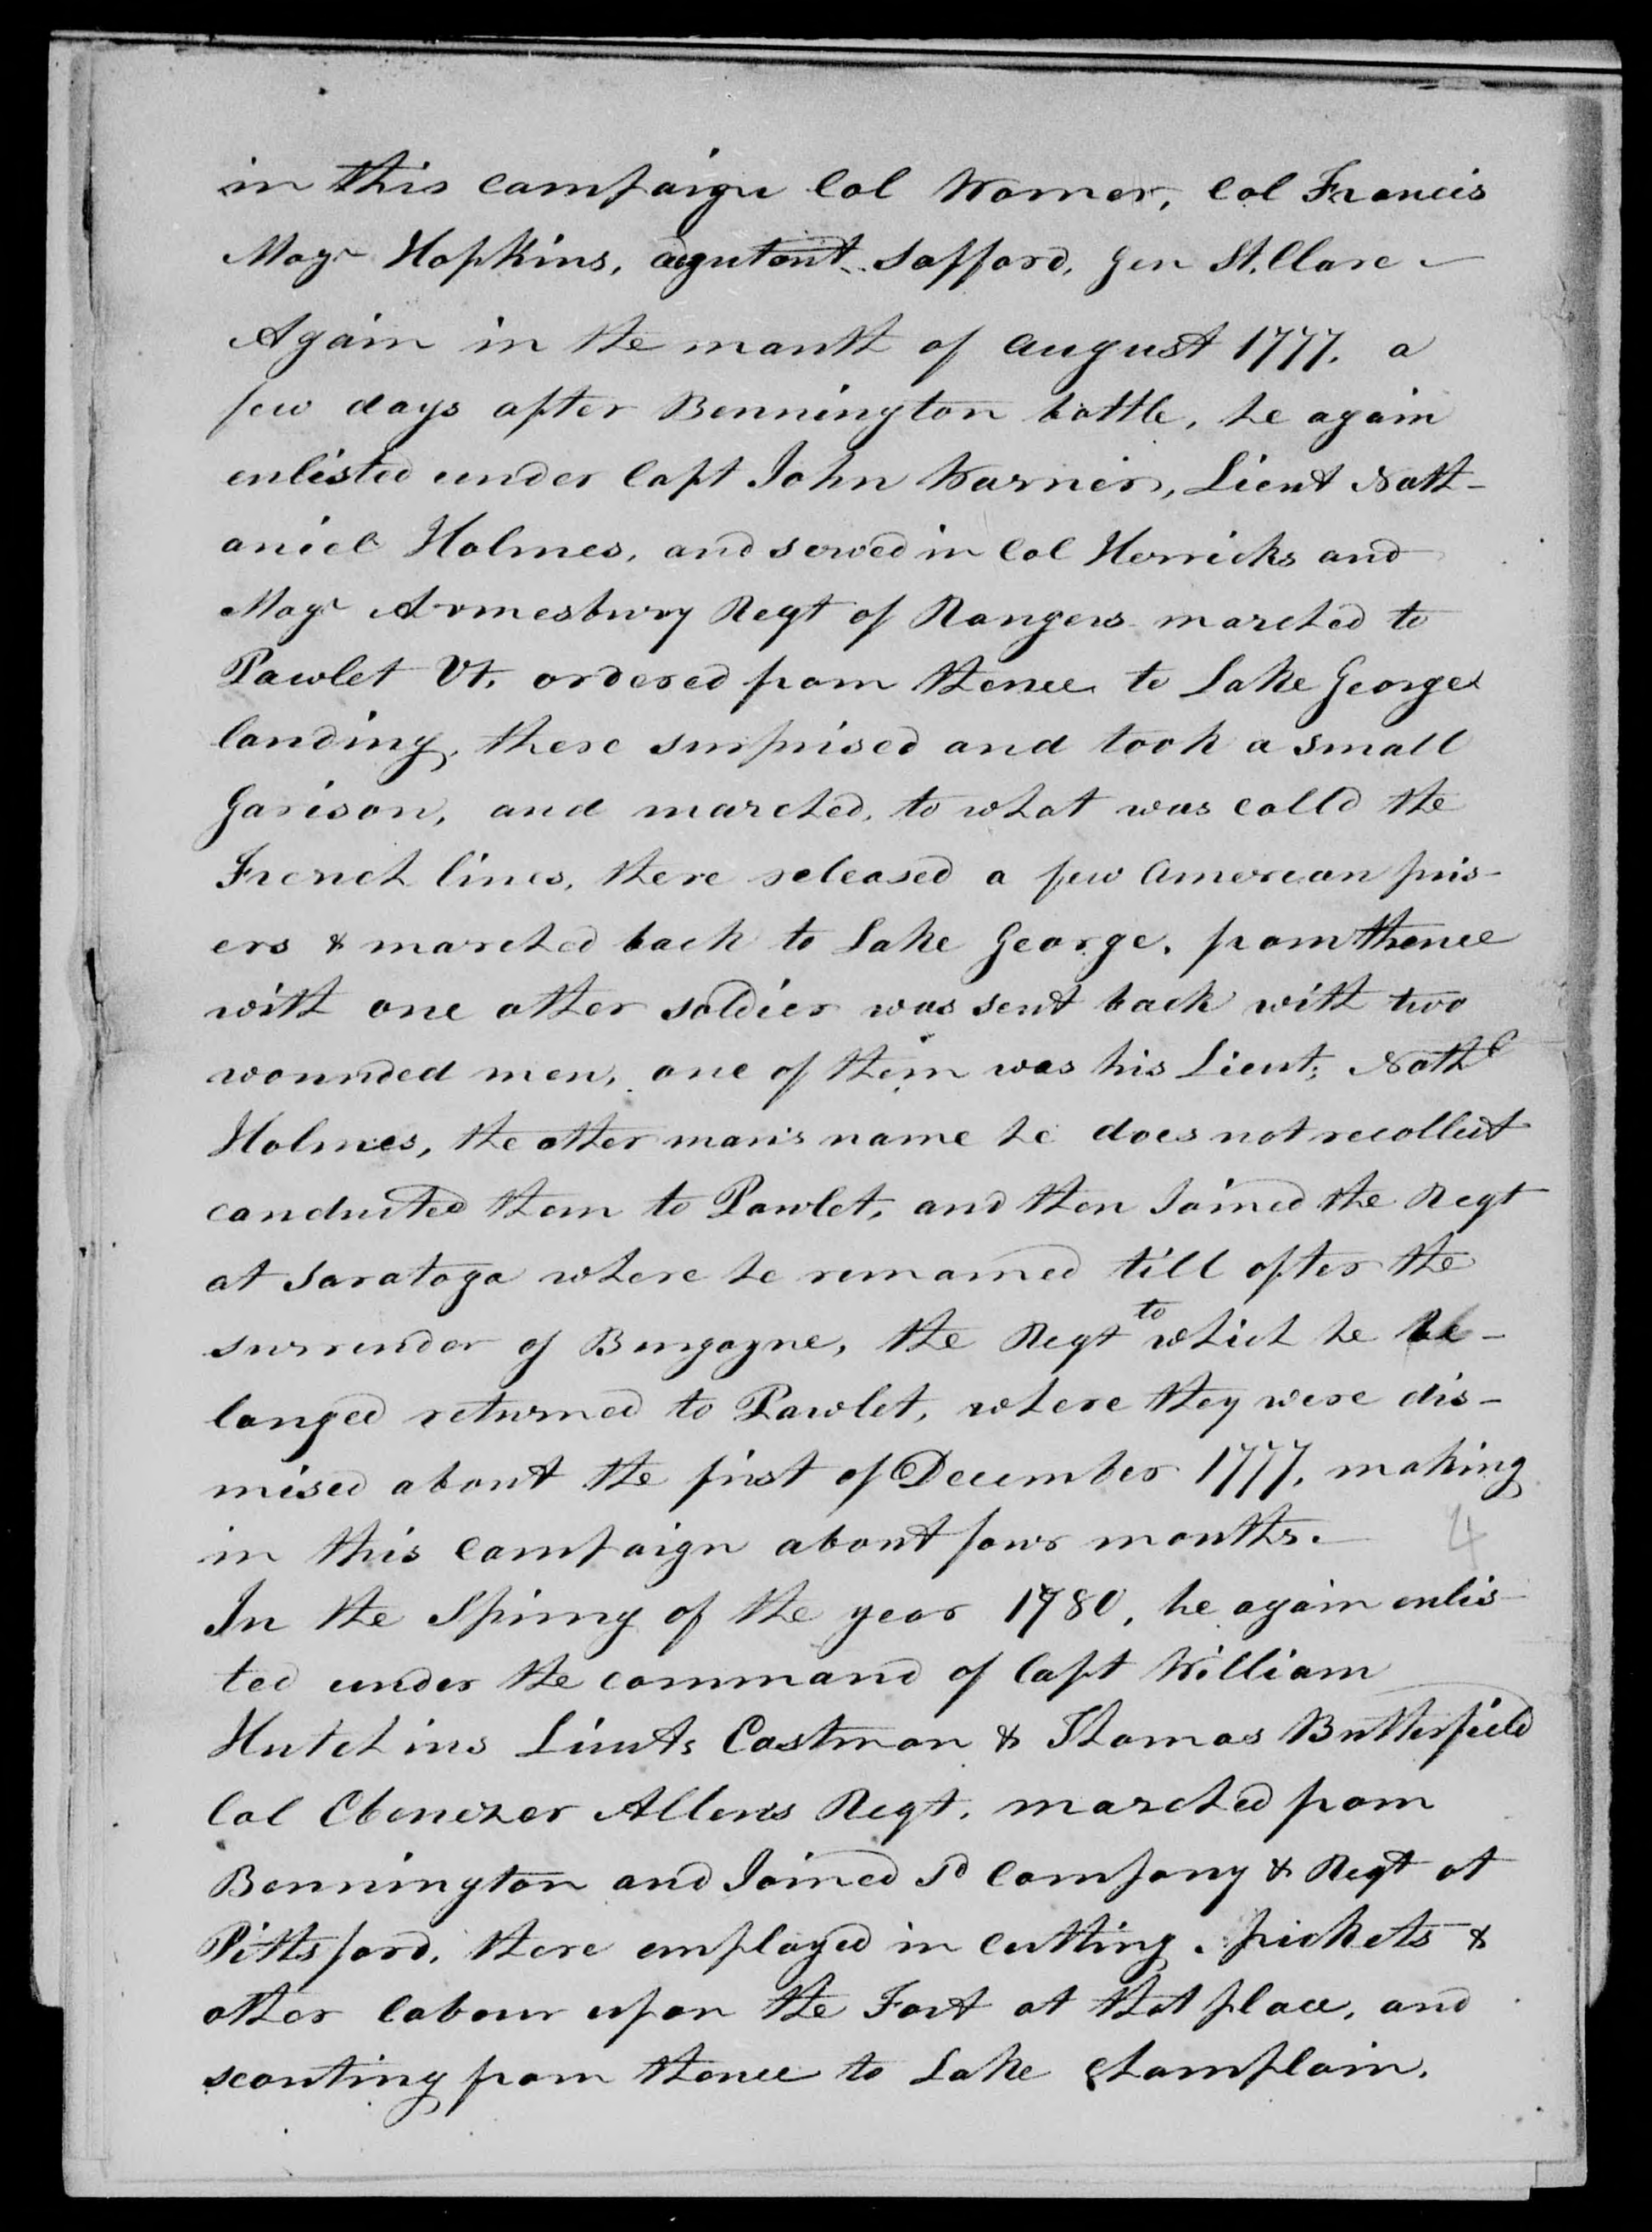in this campaign Col Warner, Col Francis Mayr Hopkins, adjutant Safford, Gen St. Clare.

Again in the month of August 1777, a few days after Bennington battle, he again enlisted under Capt. John Warner, Lieut Nathaniel Holmes, and served in Col Herricks and Mayr Armesbury Regt of Rangers marched to Pawlet Vt. prdered frp, thence to Lake George landing these surprised and took a small garison, and marched, to what was calld the French lines, there released a few American prisers & marched back to Lake George. from thence with one other soldier was sent back with two wounded men, one of them was his Lieut; [illegible] Holmes, the other man's name he does not recollect conducted them to Pawlet, and then joined the regt at Saratoga where he remained till after the surrender of Burgoyne, the Regt to which he belonged returned to Parlet, where they were dismised about the first of December 1777, making in this campaign about four months.

In the Spring of the year 1780, he again elisted under the command of Capt William Hutchins Lieuts Castman & Thomas Butterfield Col Ebenezer Allens Regt, marched from Bennington and joined sd Company & Regt at Pittsford. Here employed in cutting pickets & other labour upon the Fort at that place, and scouting from thence to Lake Champlain.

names: Warner, William Hutchins, St Clare, Hopkins, Eastman Butterfield, Frencis, Nathl Holmes, John Warner, Nathaniel Holmes, Thomas Butterfield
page: 8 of 72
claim: widow's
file: W. 7771, Stephen Holmes, Vt.